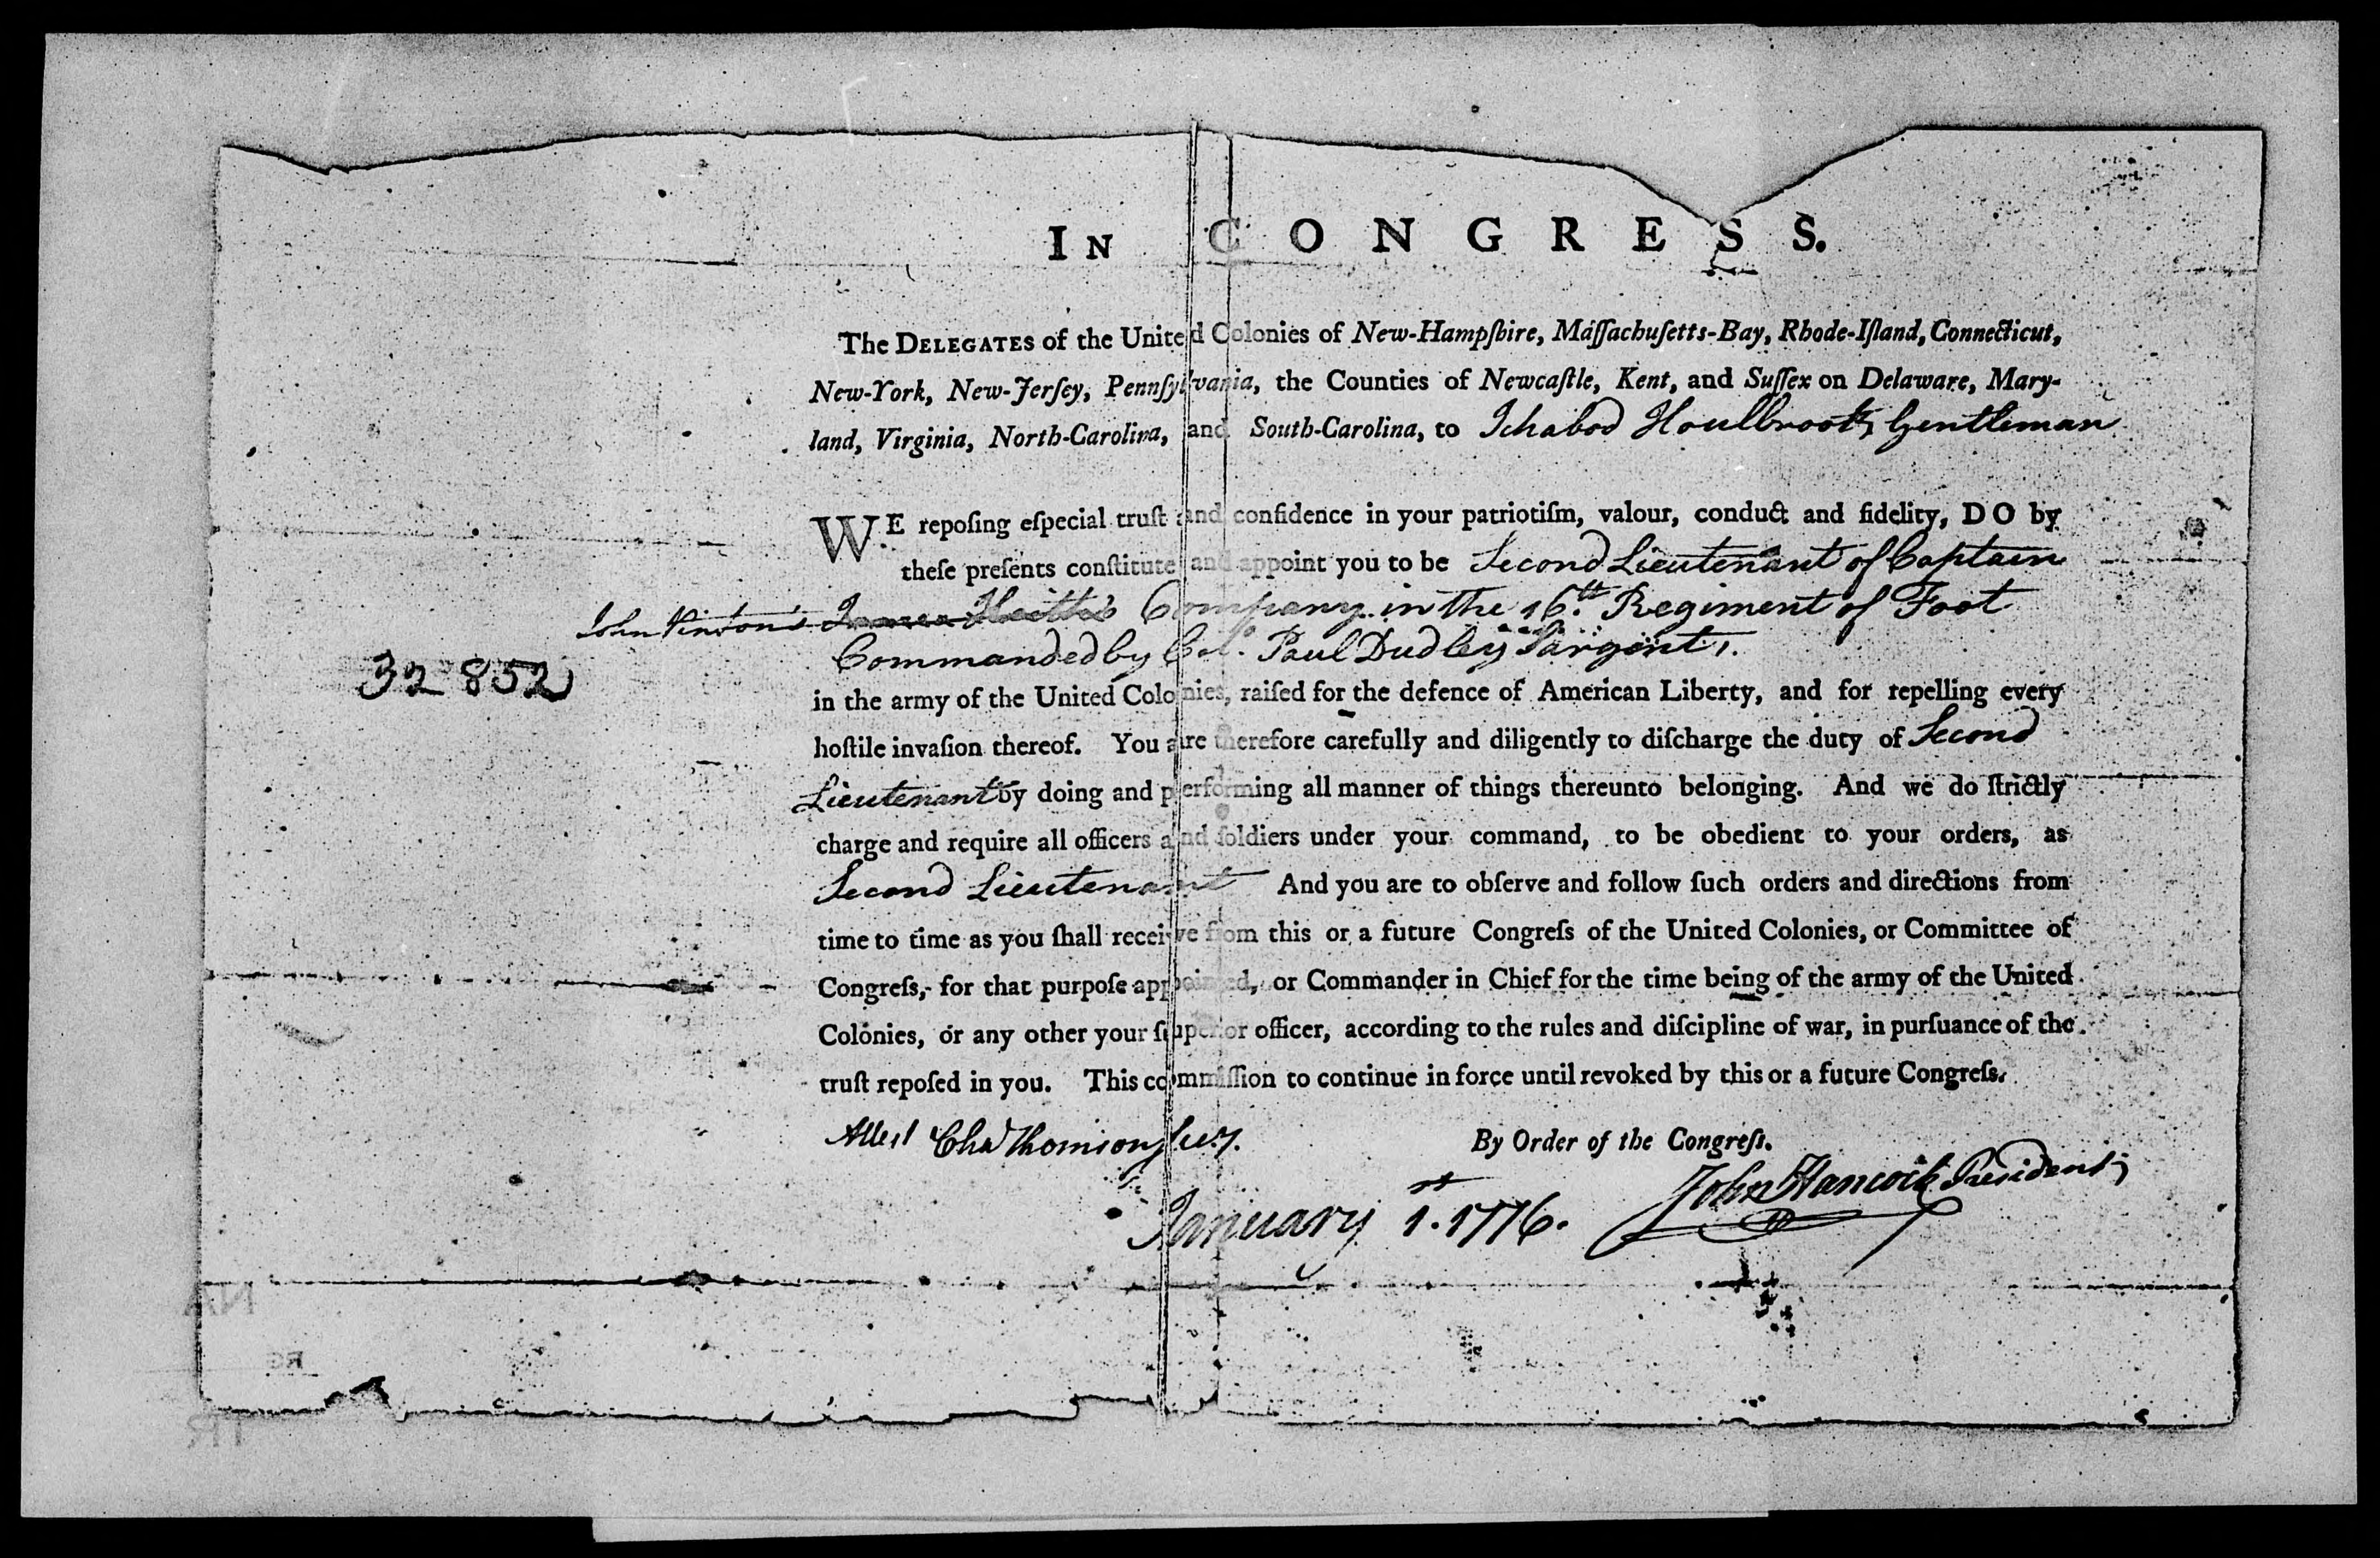32852

IN CONGRESS.

The DELEGATES of the United Colonies of New-Hampshire, Massachusetts-Bay, Rhode-Island, Connecticut, New-York, New-Jersey, Pennsylvania, the Counties of Newcastle, Kent, and Sussex on Delaware, Maryland, Virginia, North-Carolina, and South-Carolina, to Ichabod Houlbrook, Gentleman

WE reposing especial trust and confidence in your patriotism, valour, and conduct and fidelity, DO by these presents constitute and appoint you to be Second Lieutenant of Captain John Pinton's [crossed out: Isaac Heith's?] Company in the 16th. Regiment of Foot Commanded by Colo. Paul Dudley and Sargent, in the army of the United Colonies, raised for the defence of American Liberty, and for repelling every hostile invasion thereof. You are therefore carefully and diligently to discharge the duty of Second Lieutenant by doing and performing all manner of things thereunto belonging. And we do strictly charge and require all officers and soldiers under your command, to be obedient to your orders, as Second Lieutenant And you are to observe and follow such orders and directions from time to time as you shall receive from this or a future Congress of the United Colonies, or Committee of Congress, for that purpose appointed, or Commander in Chief for the time being of the army of the United Colonies, or any other your superior officer, according to the rules and discipline of war, in pursuance of the trust reposed in you. This commission to continue in force until revoked by this or a future Congress.

Attest Chal Thomson [Just?]

By order of the Congress.
January 1st. 1776.
John Hancock President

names: Paul Dudley, John Hancock, Chas Thomson, Ichabod Houlbrook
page: 14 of 15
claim: survivor's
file: S. 32,852, Ichabod Holbrook, Continental Mass.